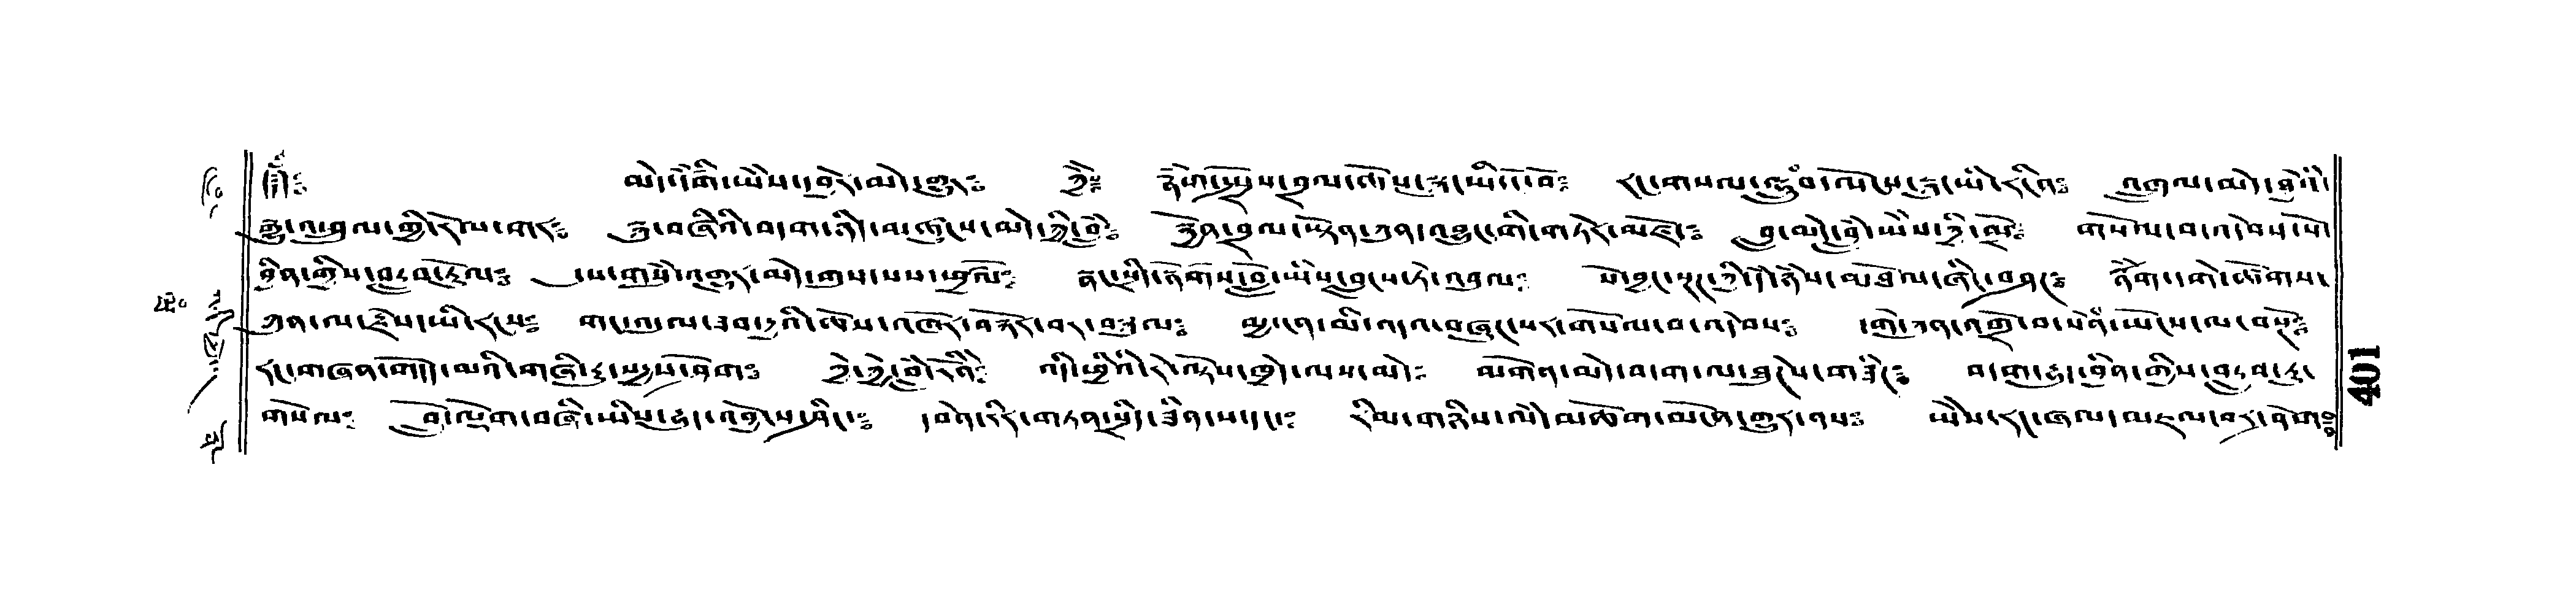མེད་དམ་ཚིག་ཡེ་ཤེས་དབྱེར་མེད་གྱུར༔ ཀྱཻ༔ རྣམ་དག་སྤྲོས་བྲལ་ཆོས་སྐུ་ཡི་ངོ་བོ༔ རང་གསལ་ལྷུན་གྲུབ་ལོངས་སྐུ་ཡི་རང་བཞིན༔ འཁྲུལ་མེད་ཐུགས་རྗེའི་
སྒྱུ་འཕྲུལ་གྱི་རོལ་གར༔ སྐུ་བཞིའི་བདག་ཉིད་མཚུངས་མེད་ཀྱི་བླ་མ༔ སྐྱོན་བྲལ་ཡོན་ཏན་ཀུན་འབྱུང་གི་གཏེར་མཛོད༔ བླ་མེད་བླ་མ་ཡེ་ཤེས་ཀྱི་མཁའ་འགྲོ༔ གསོལ་བ་འདེབས་སོ་
བྱིན་གྱིས་བརླབ་ཏུ་གསོལ༔ དུས་གསུམ་འགྱུར་མེད་གུས་པས་ཕྱག་འཚལ་ལོ༔ སྣང་སྲིད་སྣ་ཚོགས་བློ་ཡིས་བླངས་ཏེ་འབུལ༔ སོ་བྱང་སྔགས་ཀྱི་དམ་ཉམས་མཐོལ་ཞིང་བཤགས༔ རྣམ་དག་དགེ་ཚོགས་
ཀུན་ལ་རྗེས་ཡི་རངས༔ གང་འདུལ་ཟབ་རྒྱའི་ཆོས་འཁོར་བསྐོར་བར་བསྐུལ༔ མྱ་ངན་མི་འདའ་བཞུགས་པར་གསོལ་བ་འདེབས༔ དགེ་ཀུན་འགྲོ་བ་སེམས་ཅན་ཡོངས་ལ་བསྔོ༔ 
རང་གཞན་གདོད་མའི་གཞི་རུ་སངས་རྒྱས་ཤོག༔ ཀྱེ་ཀྱེ་བླ་མ་རིན་པོ་ཆེ༔ འདི་ཕྱིའི་རེ་ལྟོས་ཁྱེད་ལས་མེད༔ མགོན་མེད་བདག་ལ་ཐུགས་རྗེས་གཟིགས༔ བདག་རྒྱུད་བྱིན་གྱིས་བརླབ་ཏུ་
གསོལ༔ བློ་ལྡོག་བཞི་ཡིས་རྒྱུད་འབྱོངས་ཤིང༔ དབེན་རིར་གཏན་སྲིད་ཟིན་པ་དང༔ རིམ་གཉིས་ལམ་མཆོག་མངོན་གྱུར་ནས༔ ཡེ་ཤེས་རང་ཞལ་མཇལ་བར་ཤོག༔